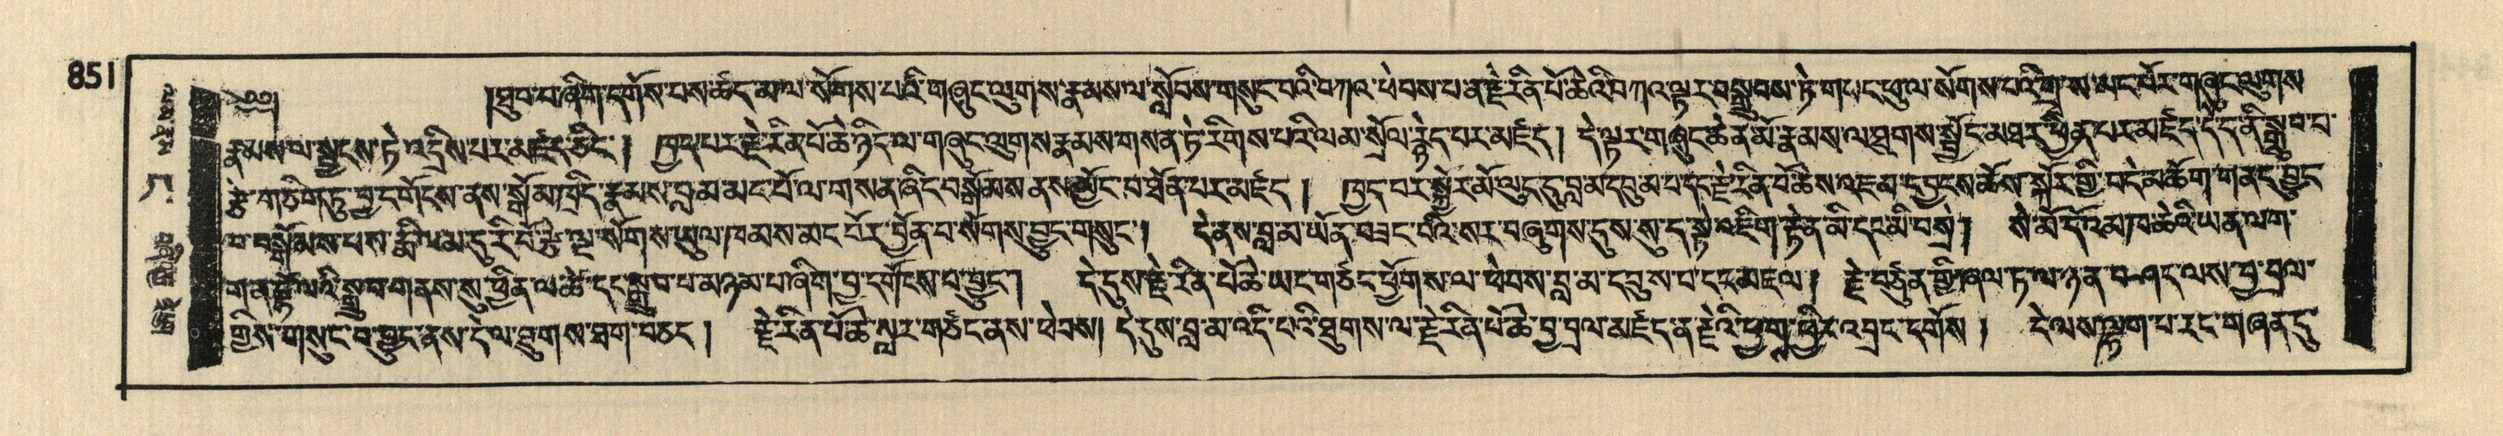༄༅། །ཐུབ་བ་ཞིག་དགོས་པས་ཚད་མ་ལ་སོགས་པའི་གཞུང་ལུགས་རྣམས་ལ་སློབས་གསུང་བའི་བཀའ་ཕེབས་པ་ན་རྗེ་རིན་པོ་ཆེའི་བཀའ་ལྟར་བསྒྲུབས་ཏེ་གཡང་ཕུ་ལ་སོགས་པའི་གྲྭ་ས་མང་པོར་གཞུང་ལུགས་
རྣམས་ལ་སྦྱངས་ཏེ་འདྲིས་པར་མཛད་ཅིང་། ཁྱད་པར་རྗེ་རིན་པོ་ཆེ་ཉིད་ལ་གཞུང་ལུགས་རྣམས་གསན་ཏེ་རིགས་པའི་ལམ་སྲོལ་རྙེད་པར་མཛད། དེ་ལྟར་གཞུང་ཆེན་མོ་རྣམས་ལ་ཐུགས་སྦྱོང་མཐར་ཕྱིན་པར་མཛད་དེ་ད་ནི་སྒྲུབ་པ་
རྩེ་གཅིག་ཏུ་བྱ་དགོངས་ནས་སྒོམ་ཁྲིད་རྣམས་བླ་མ་མང་པོ་ལ་གསན་ཞིང་བསྒོམས་ནས་མྱོང་བ་ཐོན་པར་མཛད། ཁྱད་པར་སྐྱོར་མོ་ལུང་དུ་བླ་མ་དབུ་མ་པ་དང་རྗེ་རིན་པོ་ཆེས་འཇམ་དབྱངས་ཆོས་སྐོར་གྱི་བདེ་མཆོག་གནང་བྱུང་
བ་བསྒོམས་པས་རྨི་ལམ་དུ་རི་བོ་རྩེ་ལྔ་སོགས་ཡུལ་ཁམས་མང་པོར་བྱོན་པ་སོགས་བྱུང་གསུང་། དེ་ནས་བླ་མ་ཡོན་བཟང་བའི་སར་བཞུགས་དུས་སུ་ད་སྟེ་འཇིག་རྟེན་མི་དང་མི་བསྲེ། སེ་མོ་དོ་འམ་ཁ་ཆེའི་ཡན་ལག་
གན་བྷོ་ལའི་སྒྲུབ་གནས་སུ་ཕྱིན་ལ་ཚེ་དང་སྒྲུབ་པ་མཉམ་པ་ཞིག་བྱ་དགོངས་པ་བྱུང་། དེ་དུས་རྗེ་རིན་པོ་ཆེ་ཡང་གཙང་ཕྱོགས་ལ་ཕེབས་བླ་མ་དབུས་པ་དང་མཇལ། རྗེ་བཙུན་གྱི་ཞལ་ཏ་ལ་ཉན་བཤད་ལས་བྱ་བྲལ་
གྱིས་གསུང་བ་བྱུང་ནས་དེ་ལ་ཐུགས་ཐག་བཅང་། རྗེ་རིན་པོ་ཆེ་སླར་གཙང་ནས་ཕེབས། དེ་དུས་བླ་མ་འདི་པའི་ཐུགས་ལ་རྗེ་རིན་པོ་ཆེ་བྱ་བྲལ་མཛད་ན་རྗེའི་ཕྱགས་ཕྱིར་འབྲང་དགོས། དེ་ལས་ལྷག་པ་རང་གཞན་དུ་